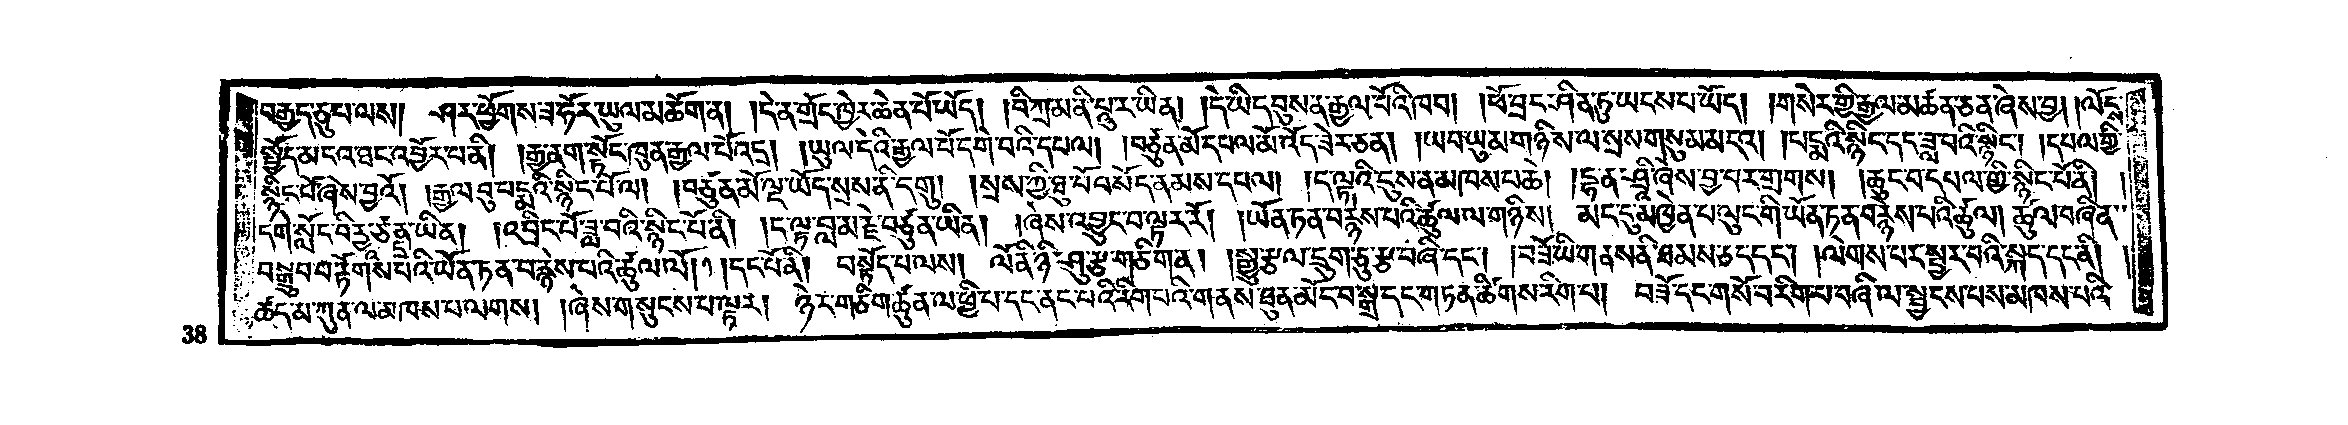བརྒྱད་ཅུ་པ་ལས། ཤར་ཕྱོགས་ཟ་ཧོར་ཡུལ་མཆོག་ན། །དེ་ན་གྲོང་ཁྱེར་ཆེན་པོ་ཡོད། །བི་ཀྲ་མ་ནི་པཱུ་ར་ཡིན། །དེ་ཡི་དབུས་ན་རྒྱལ་པོའི་ཁབ། །ཕོ་བྲང་ཤིན་ཏུ་ཡངས་པ་ཡོད། །གསེར་གྱི་རྒྱལ་མཚན་ཅན་ཞེས་བྱ། །ལོངས་
སྤྱོད་མངའ་ཐང་འབྱོར་པ་ནི། །རྒྱ་ནག་སྟོང་ཁུན་རྒྱལ་པོ་འདྲ། །ཡུལ་དེའི་རྒྱལ་པོ་དགེ་བའི་དཔལ། །བཙུན་མོ་དཔལ་མོ་འོད་ཟེར་ཅན། །ཡབ་ཡུམ་གཉིས་ལ་སྲས་གསུམ་མངའ། །པདམའི་སྙིང་དང་ཟླ་བའི་སྙིང་། །དཔལ་གྱི་
སྙིང་པོ་ཞེས་བྱའོ། །རྒྱལ་བུ་པདམའི་སྙིང་པོ་ལ། །བཙུན་མོ་ལྔ་ཡོད་སྲས་ནི་དགུ། །སྲས་ཀྱི་ཐུ་བོ་བསོད་ནམས་དཔལ། །ད་ལྟའི་དུས་ན་མཁས་པ་ཆེ། །དྷ་ན་ཤྲཱི་ཞེས་བྱ་བར་གྲགས། །ཆུང་བ་དཔལ་གྱི་སྙིང་པོ་ནི། །
དགེ་སློང་པིརྱའ་ཙནྡྲ་ཡིན། །འབྲིང་པོ་ཟླ་བའི་སྙིང་པོ་ནི། །ད་ལྟ་བླ་མ་རྗེ་བཙུན་ཡིན། །ཞེས་འབྱུང་བ་ལྟར་རོ། །ཡོན་ཏན་བརྙེས་པའི་ཚུལ་ལ་གཉིས། མང་དུ་མཁྱེན་པ་ལུང་གི་ཡོན་ཏན་བརྙེས་པའི་ཚུལ། ཚུལ་བཞིན་
བསྒྲུབ་པ་རྟོགས་པའི་ཡོན་ཏན་བརྙེས་པའི་ཚུལ་ལོ། །དང་པོ་ནི། བསྟོད་པ་ལས། ལོ་ནི་ཉི་ཤུ་རྩ་གཅིག་ན། །སྒྱུ་རྩལ་དྲུག་ཅུ་རྩ་བཞི་དང་། །བཟོ་ཡི་གནས་ནི་ཐམས་ཅད་དང་། །ལེགས་པར་སྦྱར་བའི་སྐད་དང་ནི། །
ཚད་མ་ཀུན་ལ་མཁས་པ་ལགས། །ཞེས་གསུངས་པ་ལྟར། ཉེར་གཅིག་ཚུན་ལ་ཕྱི་པ་དང་ནང་པའི་རིག་པའི་གནས་ཐུན་མོང་བ་སྒྲ་དང་གཏན་ཚིགས་རིག་པ། བཟོ་དང་གསོ་བ་རིག་པ་བཞི་ལ་སྦྱངས་པས་མཁས་པའི་